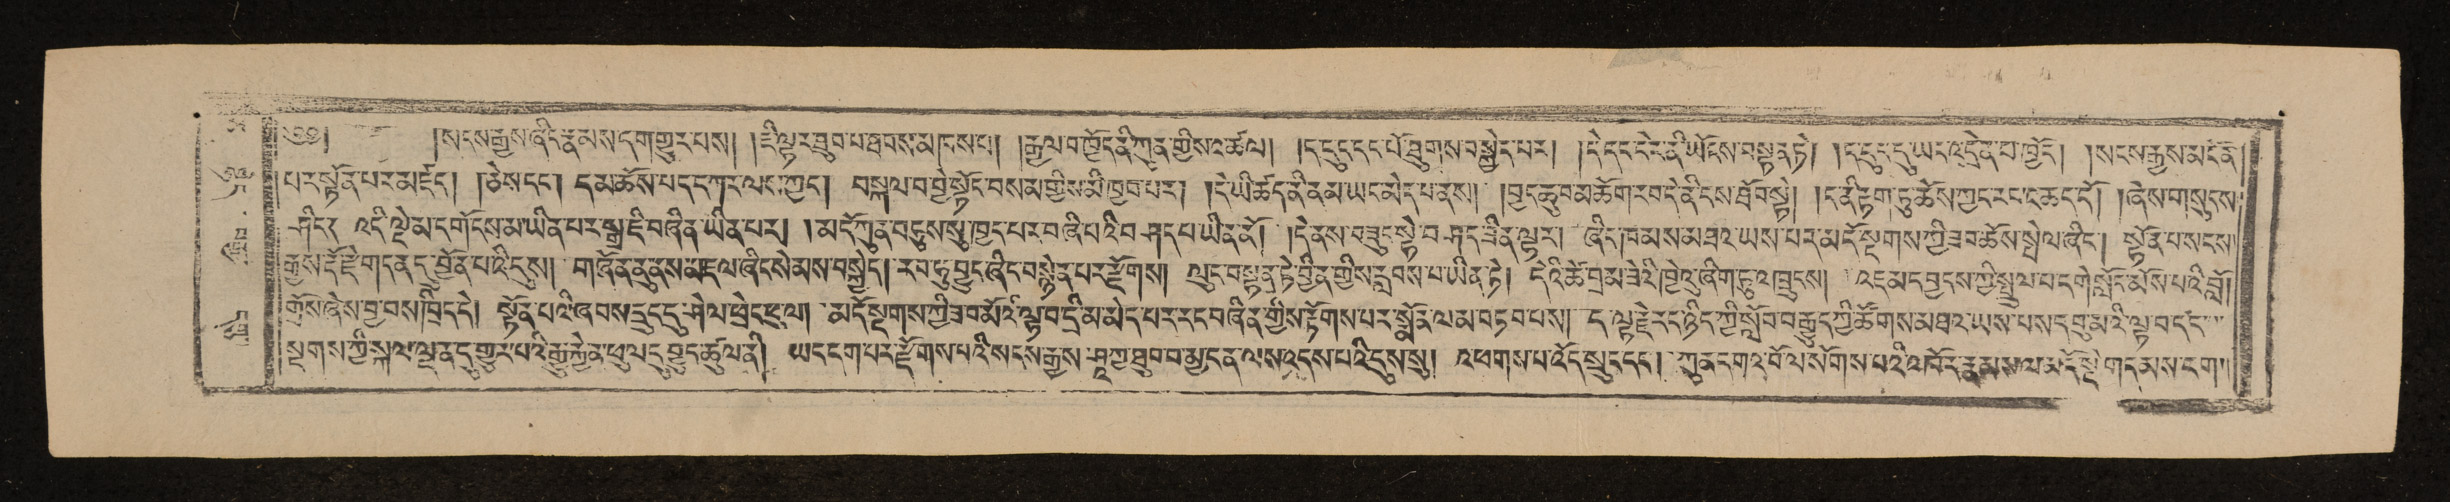༄༅། །སངས་རྒྱས་ཞིང་རྣམས་དག་གྱུར་པས། །ཇི་ལྟར་ཐུབ་པ་ཐབས་མཁས་པ། །རྒྱལ་བ་ཁྱོད་ནི་ཀུན་གྱིས་འཚལ། །ད་དུང་དང་པོ་ཐུགས་བསྐྱེད་པར། །དེ་དང་དེར་ནི་ཡོངས་བསྟན་ཏེ། །ད་དུང་དུ་ཡང་འདྲེན་པ་ཁྱོད། །སངས་རྒྱས་མངོན་
པར་སྟོན་པར་མཛད། །ཅེས་དང་། དམ་ཆོས་བད་དཀར་ལས་ཀྱང་། བསྐལ་པ་བྱེ་སྟོང་བསམ་གྱིས་མི་ཁྱབ་པར། །དེ་ཡི་ཚད་ནི་ནམ་ཡང་མེད་པ་ནས། །བྱང་ཆུབ་མཆོག་རབ་དེ་ནི་ངས་ཐོབ་སྟེ། །ང་ནི་རྟག་ཏུ་ཆོས་ཀྱང་རབ་འཆད་དོ། །ཞེས་གསུངས་
ཤིང༑ འདི་ལྡེམ་དགོངས་མ་ཡིན་པར་སྒྲ་ཇི་བཞིན་ཡིན་པར། མདོ་ཀུན་བཏུས་སུ་ཁྱད་པར་བཞི་པའི་བཤད་པ་ཡིན་ནོ། །དེ་ནས་བཟུང་སྟེ་བཤད་ཟིན་ལྟར། ཞིང་ཁམས་མཐའ་ཡས་པར་མདོ་སྔགས་ཀྱི་ཟབ་ཆོས་སྤེལ་ཞིང་། སྟོན་པ་སངས་
རྒྱས་རྡོ་རྗེ་གདན་དུ་བྱོན་པའི་དུས། གཞོན་ནུ་ནས་མཇལ་ཞིང་སེམས་བསྐྱེད། རབ་ཏུ་བྱུང་ཞིང་བསྙེན་པར་རྫོགས། ལུང་བསྟན་ཏེ་བྱིན་གྱིས་རླབས་པ་ཡིན་ཏེ། དེའི་ཚེ་བྲམ་ཟེའི་ཁྱེའུ་ཞིག་ཏུ་འཁྲུངས། འཇམ་དབྱངས་ཀྱི་སྤྲུལ་པ་དགེ་སློང་མོས་པའི་བློ་
གྲོས་ཞེས་བྱ་བས་ཁྲིད་དེ། སྟོན་པའི་ཞབས་དྲུང་དུ་ཤེལ་ཕྲེང་ཕུལ། མདོ་སྔགས་ཀྱི་ཟབ་མོའི་ལྟ་བ་དྲི་མ་མེད་པར་རང་བཞིན་གྱིས་རྟོགས་པར་སྨོན་ལམ་བཏབ་པས། ད་ལྟ་རྗེ་རང་ཉིད་ཀྱི་སློབ་བརྒྱུད་ཀྱི་ཚོགས་མཐའ་ཡས་པས་དབུ་མའི་ལྟ་བ་དང་
སྔགས་ཀྱི་སྐལ་ལྡན་དུ་གྱུར་པའི་རྒྱུ་རྐྱེན་ཕུལ་དུ་བྱུང་ཚུལ་ནི། ཡང་དག་པར་རྫོགས་པའི་སངས་རྒྱས་ཤཱཀྱ་ཐུབ་པ་མྱ་ངན་ལས་འདས་པའི་དུས་སུ། འཕགས་པ་འོད་སྲུང་དང་། ཀུན་དགའ་བོ་ལ་སོགས་པའི་འཁོར་རྣམས་ལ་མདོ་སྡེ་གདམས་ངག་